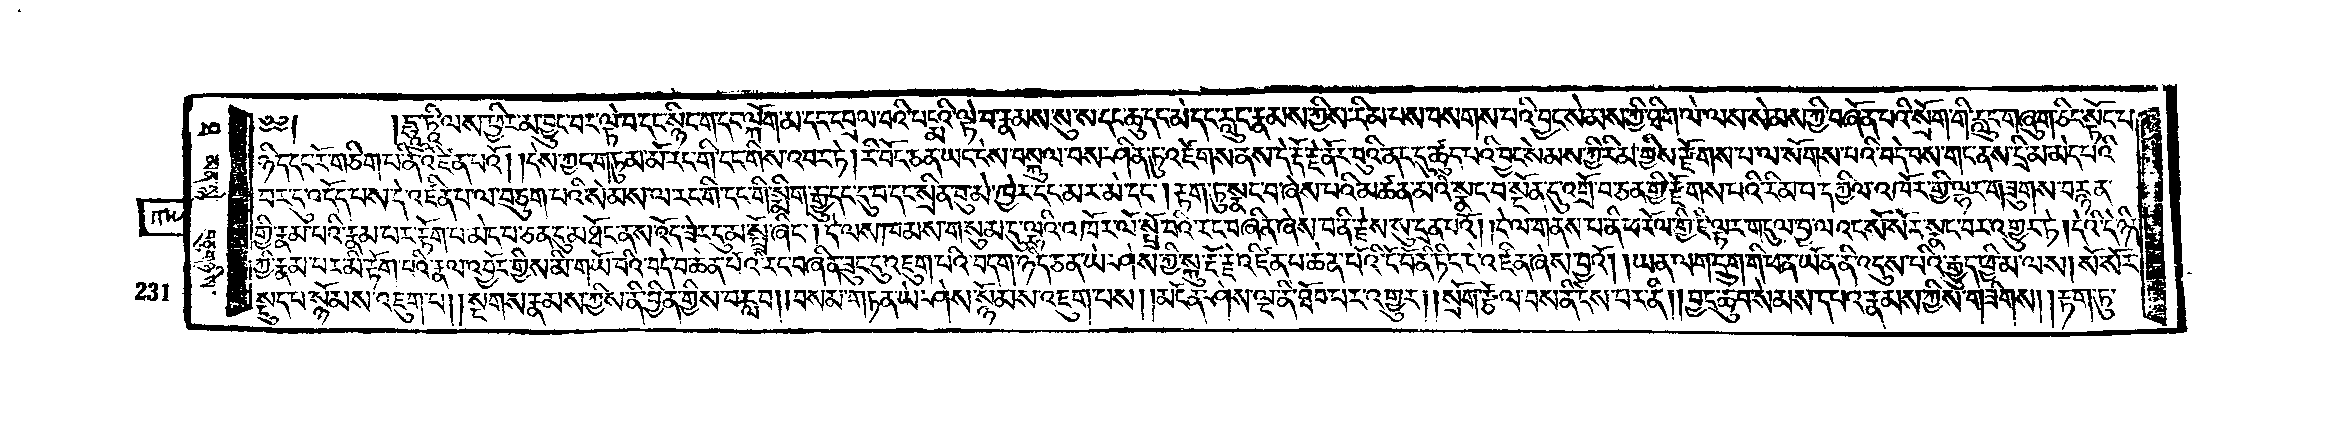༄༅། །དྷཱུ་ཏཱི་ལས་ཕྱིར་མ་བྱུང་བར་ལྟེ་བ་དང་སྙིང་ག་དང་ལྐོག་མ་དང་དབྲལ་བའི་པདམའི་ལྟེ་བ་རྣམས་སུ་ས་དང་ཆུ་དང་མེ་དང་རླུང་རྣམས་ཀྱིས་རིམ་པས་བསགས་པའི་བྱང་སེམས་ཀྱི་ཐིག་ལེ་ལས་སེམས་ཀྱི་བཞོན་པའི་སྲོག་གི་རླུང་གཞུག་ཅིང་སྟོང་པ་
ཉིད་དང་རོ་གཅིག་པ་ནི་འཛིན་པའོ། །དེས་ཀྱང་གཏུམ་མོ་རང་གི་ངང་གིས་འབར་ཏེ། རི་བོང་ཅན་ཡང་ངེས་བསྐུལ་བས་ཤིན་ཏུ་འཛེགས་ནས་དེ་རྡོ་རྗེ་ནོར་བུའི་ནང་དུ་ཚུད་པའི་བྱང་སེམས་ཀྱི་རིམ་གྱིས་རྫོགས་པ་ལ་སོགས་པའི་བདེ་བས་གང་ནས་དྲི་མ་མེད་པའི་
བར་དུ་འདོད་པས་ད་འཛིན་པ་ལ་བཅུག་པའི་སེམས་ལ་རང་གི་ངང་གི་སྨིག་རྒྱུ་དང་དུ་བ་དང་སྲིན་བུ་མེ་ཁྱེར་དང་མར་མེ་དང་། རྟག་ཏུ་སྣང་བ་ཞེས་པའི་མཚན་མའི་སྣང་བ་སྔོན་དུ་འགྲོ་བ་ཅན་གྱི་རྫོགས་པའི་རིམ་པ་དཀྱིལ་འཁོར་གྱི་ལྷར་གཟུགས་བརྙན་
གྱི་རྣམ་པའི་རྣམ་པར་རྟོག་པ་མེད་པ་ཅན་དུ་མཐོང་ནས་འོད་ཟེར་དུ་མ་སྤྲོ་ཞིང་། དེ་ལས་ཁམས་གསུམ་དུ་ལྷའི་འཁོར་ལོ་སྤྲོ་བའི་རང་བཞིན་ཞེས་པ་ནི་རྗེས་སུ་དྲན་པའོ། །དེ་ལ་གནས་པ་ནི་ཕ་རོལ་གྱི་ཇི་ལྟར་གདུལ་བྱ་ལའང་སོ་སོར་སྣང་བར་འགྱུར་ཏེ། དེའི་དེ་ཉིད་
ཀྱི་རྣམ་པར་མི་རྟོག་པའི་རྣལ་འབྱོར་གྱིས་མི་གཡོ་བའི་བདེ་བ་ཆེན་པོའི་རང་བཞིན་ཟུང་དུ་འཇུག་པའི་བདག་ཉིད་ཅན་ཡེ་ཤེས་ཀྱི་སྐུ་རྡོ་རྗེ་འཛིན་པ་ཆེན་པོའི་ངོ་བོ་ནི་ཏིང་ངེ་འཛིན་ཞེས་བྱའོ། །ཡན་ལག་དྲུག་གི་ཕན་ཡོན་ནི་འདུས་པའི་རྒྱུད་ཕྱི་མ་ལས། སོ་སོར་
སྡུད་པ་སྙོམས་འཇུག་པ། །སྔགས་རྣམས་ཀྱིས་ནི་བྱིན་གྱིས་བརླབ། །བསམ་གཏན་ཡེ་ཤེས་སྙོམས་འཇུག་པས། །མངོན་ཤེས་ལྔ་ནི་ཐོབ་པར་འགྱུར། །སྲོག་རྩོལ་བས་ནི་ངེས་པར་ནི། །བྱང་ཆུབ་སེམས་དཔའ་རྣམས་ཀྱིས་གཟིགས། །རྟག་ཏུ་